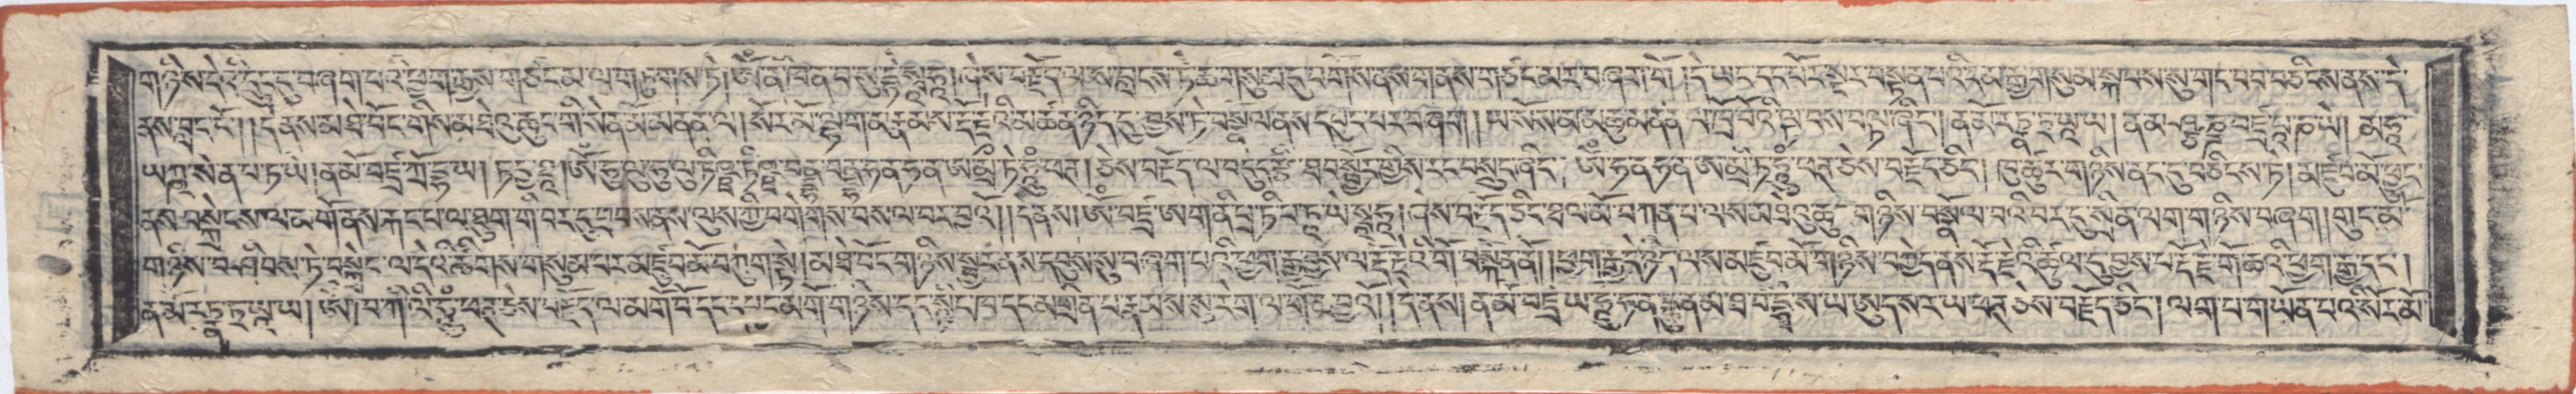གཉིས་དེའི་དྲུང་དུ་བཞག་པའི་ཕྱག་རྒྱས་གཙང་མ་ལ་གཏུགས་ཏེ། ཨོཾ་ནི་ཁ་ན་བ་སུ་དྷེ་སྭཱ་ཧཱ། ཞེས་བརྗོད་ལ་ས་བླངས་ཏེ་ཆ་གསུམ་དུ་བགོས་ནས་གནས་གཙང་མར་བཞག་གོ །དེ་ཡང་དང་པོར་སྔར་བསྟན་པའི་དམ་རྒྱ་གསུམ་སྐབས་སུ་གང་བབ་བཅིངས་ནས་དེ་
ནས་བླང་ངོ། །དེ་ནས་མཐེ་བོང་གིས་མཐེའུ་ཆུང་གི་སེན་མོ་མནན་ལ། སོར་མོ་ལྷག་མ་རྣམས་རྡོ་རྗེའི་མཚན་ཉིད་དུ་བྱས་ཏེ་བསྣོལ་ནས་དཔུང་བར་བཞག །ཡ་སོས་མ་མཆུ་མནན་ལ་ཁྲོ་བོའི་ལྟ་བས་བལྟ་ཞིང་། ན་མོ་རཏྣ་ཏྲ་ཡཱ་ཡ། ན་མཤྩཎྜ་བཛྲ་པཱ་ཎ་ཡེ། མཧཱ་
ཡཀྵ་སེན་པ་ཏ་ཡེ། ན་མོ་བཛྲ་ཀྲོ་དྷ་ཡ། ཏདྱ་ཐཱ། ཨོཾ་ཧུ་ལུ་ཧུ་ལུ་ཏིཥཊཿཨ་ཏིཥཊཿཨ་བནྡྷ་བནྡྷ་ཧ་ན་ཧ་ན་ཨ་མྲྀ་ཏེ་ཧཱུཾ་ཕཊ། ཅེས་བརྗོད་ལ་བདུད་རྩི་ཐབ་སྦྱོར་གྱིས་རང་བསྲུང་ཞིང་། ཨོཾ་ཧ་ན་ཧ་ན་ཨ་མྲི་ཏ་ཧཱུཾ་ཕཊ་ཅེས་བརྗོད་ཅིང་། ཁུ་ཚུར་གཉིས་ནང་དུ་བཅིངས་ཏེ། མཛུབ་མོ་ཕྱུང་
ནས་བསྐྲེངས་ལ་མགོ་ནས་རྐང་པ་ལ་ཐུག་གི་བར་དུ་ཐབས་?་ནས་ལུས་ཀྱི་བགེགས་བསལ་བར་བྱའོ། །དེ་ནས། ཨོཾ་བཛྲ་ཨག་ནི་པྲ་ཏི་པ་ཏཱ་ཡེ་སྭཱ་ཧཱ། ཞེས་བརྗོད་ཅིང་ཐལ་མོ་བཀན་པ་ལས་མཐེའུ་ཆུང་གཉིས་བསྣོལ་བའི་བར་དུ་སྲིན་ལག་གཉིས་བཞག །གུང་མོ་
གཉིས་བཤིབས་ཏེ་བསྐྲེང་ལ་དེའི་ཚིགས་གསུམ་པར་མཛུབ་མོ་བཀུག་སྟེ། མཐེ་བོང་གཉིས་སྦྱར་ནས་དབུས་སུ་བཞག་པའི་ཕྱག་རྒྱ་བྱས་ལ་རྡོ་རྗེའི་གོ་བསྐོན་ནོ། །ཕྱག་རྒྱ་དེ་ཉིད་ལས་མཛུབ་མོ་གཉིས་བཀྱེད་ནས་རྡོ་རྗེའི་ཚུལ་དུ་བྱས་པ་རྡོ་རྗེ་གོ་ཆའི་ཕྱག་རྒྱ་དང་།
ན་མོ་རཏྣ་ཏྲ་ཡཱ་ཡ། ཨོཾ་ཁ་ཀི་ལི་ཧཱུཾ་ཕཊ་ཅེས་བརྗོད་ལ་མགོ་བོ་དང་དཔུང་མགོ་གཉིས་དང་སྙིང་ཁ་དང་མགྲིན་པ་རྣམས་སུ་རེག་ལ་གོ་ཆ་བྱའོ། །དེ་ནས། ན་མོ་བཛྲ་ཡ་ཧཱུཾ་ཧ་ན་དྷུ་ན་མ་ཐ་བི་དྷྭཾ་ས་ཡ་ཨུད་ས་ར་ཡ་ཕཊ་ཅེས་བརྗོད་ཅིང་། ལག་པ་གཡོན་པའི་སོར་མོ་